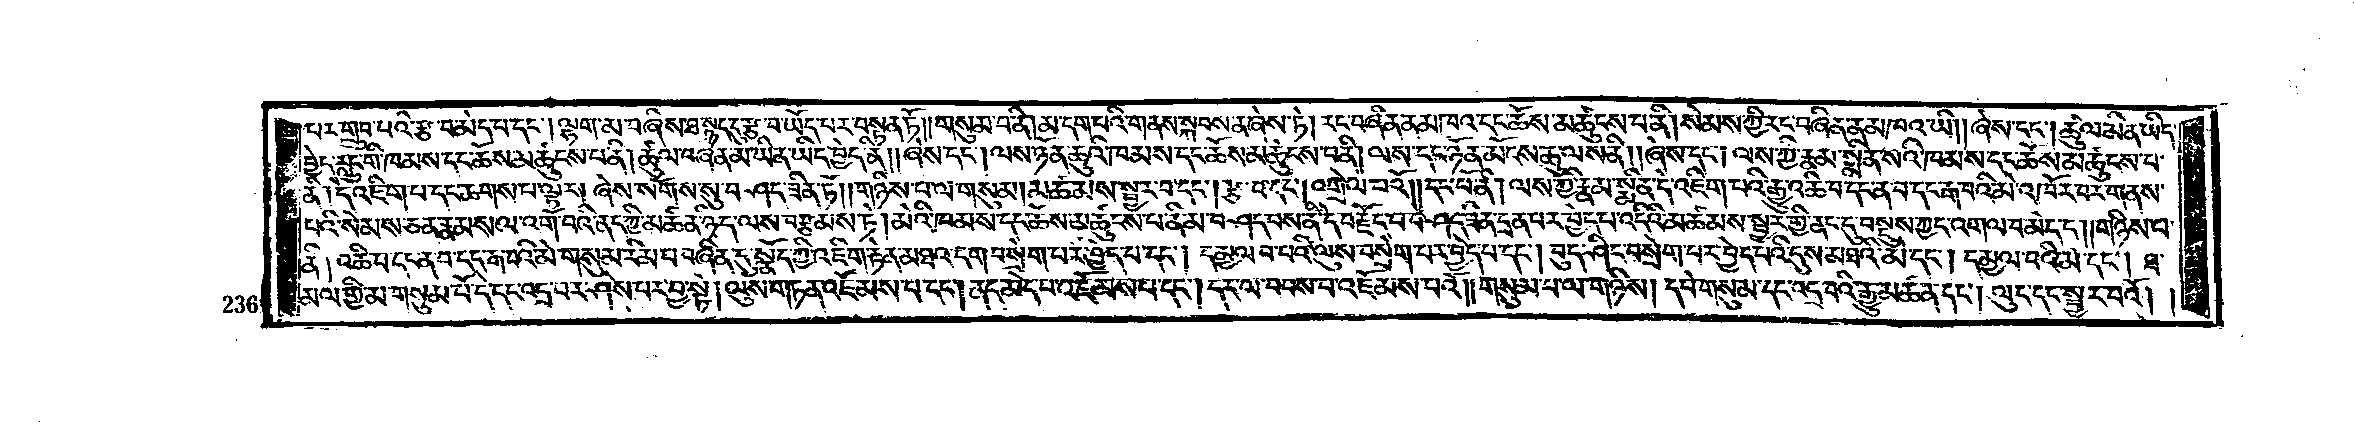པར་གྲུབ་པའི་རྩ་བ་མེད་པ་དང་། ལྷག་མ་བཞིས་ཐ་སྙད་དུ་རྩ་བ་ཡོད་པར་བསྟན་ཏོ། །གསུམ་པ་ནི། མ་དག་པའི་གནས་སྐབས་ན་ཞེས་ཏེ། རང་བཞིན་ནམ་མཁའ་དང་ཆོས་མཚུངས་པ་ནི། སེམས་ཀྱི་རང་བཞིན་ནམ་མཁའ་ཡི། །ཞེས་དང་། ཚུལ་མིན་ཡིད་
བྱེད་རླུང་གི་ཁམས་དང་ཆོས་མཚུངས་པ་ནི། ཚུལ་བཞིན་མ་ཡིན་ཡིད་བྱེད་ནི། །ཞེས་དང་། ལས་ཉོན་ཆུའི་ཁམས་དང་ཆོས་མཚུངས་པ་ནི། ལས་དང་ཉོན་མོངས་ཆུ་ལས་ནི། །ཞེས་དང་། ལས་ཀྱི་རྣམ་སྨིན་སའི་ཁམས་དང་ཆོས་མཚུངས་པ་
ནི། དེ་འཇིག་པ་དང་ཆགས་པ་ལྟར། ཞེས་སོགས་སུ་བཤད་ཟིན་ཏོ། །གཉིས་པ་ལ་གསུམ། མཚམས་སྦྱར་བ་དང་། རྩ་བ་དང་། འགྲེལ་པའོ། །དང་པོ་ནི། ལས་ཀྱི་རྣམ་སྨིན་དེ་འཇིག་པའི་རྒྱུ་འཆི་བ་དང་ན་བ་དང་རྒ་བའི་མེ་འཁོར་བར་གནས་
པའི་སེམས་ཅན་རྣམས་ལ་འགོ་བའི་ནད་ཀྱི་མཚན་ཉིད་ལས་བརྩམས་ཏེ། མེའི་ཁམས་དང་ཆོས་མཚུངས་པ་ནི་མ་བཤད་པས་ནི་དེ་བརྗོད་པ་བཤད་ཟིན་དྲན་པར་བྱེད་པ་འདིའི་མཚམས་སྦྱར་གྱི་ནང་དུ་བསྡུས་ཀྱང་འགལ་བ་མེད་དོ། །གཉིས་པ་
ནི། འཆི་བ་དང་ན་བ་དང་རྒ་བའི་མེ་གསུམ་རིམ་པ་བཞིན་དུ་སྣོད་ཀྱི་འཇིག་རྟེན་མཐའ་དག་བསྲེག་པར་བྱེད་པ་དང་། དམྱལ་བའི་ལུས་བསྲེག་པར་བྱེད་པ་དང་། བུད་ཤིང་བསྲེག་པར་བྱེད་པའི་དུས་མཐའི་མེ་དང་། དམྱལ་བའི་མེ་དང་། ཐ་
མལ་གྱི་མ་གསུམ་པོ་དེ་དང་འདྲ་བར་ཤེས་པར་བྱ་སྟེ། ལུས་གཏན་འཇོམས་པ་དང་། ནད་མེད་པ་འཇོམས་པ་དང་། དར་ལ་བབས་པ་འཇོམས་པའོ། །གསུམ་པ་ལ་གཉིས། དཔེ་གསུམ་དང་འདྲ་བའི་རྒྱུ་མཚན་དང་། ལུང་དང་སྦྱར་བའོ། །